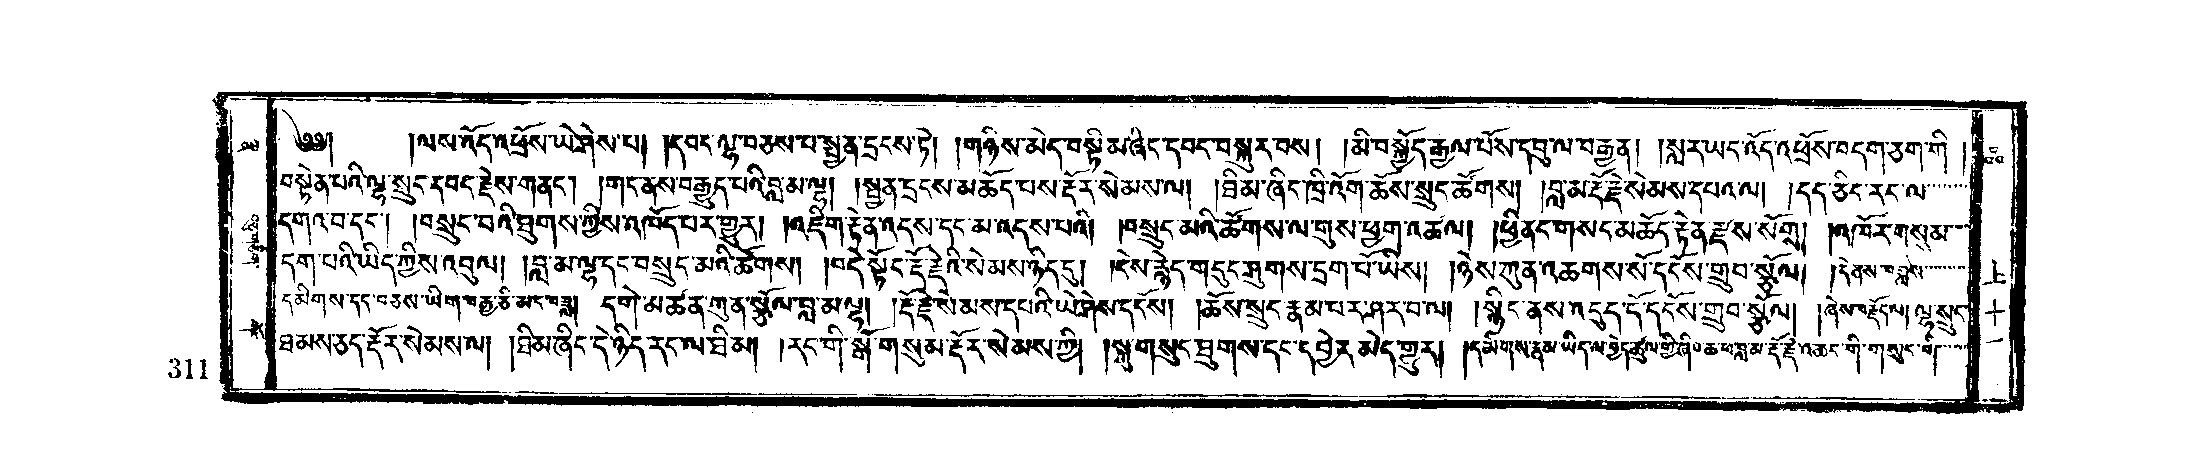༄༅། །ལས་འོད་འཕྲོས་ཡེ་ཤེས་པ། །དབང་ལྷ་བཅས་པ་སྤྱན་དྲངས་ཏེ། །གཉིས་མེད་བསྟིམ་ཞིང་དབང་བསྐུར་བས། །མི་བསྐྱོད་རྒྱལ་པོས་དབུ་ལ་བརྒྱན། །སླར་ཡང་འོད་འཕྲོས་བདག་ཅག་གི །
བསྟེན་པའི་ལྷ་སྲུང་དབང་རྗེས་གནང་། །གང་ནས་བརྒྱུད་པའི་བླ་མ་ལྷ། །སྤྱན་དྲངས་མཆོད་པས་རྡོར་སེམས་ལ། །ཐིམ་ཞིང་ཁྲི་འོག་ཆོས་སྲུང་ཚོགས། །བླ་མ་རྡོ་རྗེ་སེམས་དཔའ་ལ། །དད་ཅིང་རང་ལ་
དགའ་བ་དང་། །བསྲུང་བའི་ཐུགས་ཀྱིས་འཁོད་པར་གྱུར། །འཇིག་རྟེན་འདས་དང་མ་འདས་པའི། །བསྲུང་མའི་ཚོགས་ལ་གུས་ཕྱག་འཚལ། །ཕྱི་ནང་གསང་མཆོད་རྟེན་རྫས་སོགས། །འཁོར་གསུམ་
དག་པའི་ཡིད་ཀྱིས་འབུལ། །བླ་མ་ལྷ་དང་བསྲུང་མའི་ཚོགས། །བདེ་སྟོང་རྡོ་རྗེའི་སེམས་ཉིད་དུ། །ངེས་རྙེད་གདུང་ཤུགས་དྲག་པོ་ཡིས། །ཉེས་ཀུན་འཆགས་སོ་དངོས་གྲུབ་སྩོལ། །དེ་ནས་བཟླས་
དམིགས་དང་བཅས་ཡིག་བརྒྱ་ཅི་མང་བཟླ། དགེ་མཚན་ཀུན་སྩོལ་བླ་མ་ལྷ། །རྡོ་རྗེ་སེམས་དཔའི་ཡེ་ཤེས་དངོས། །ཆོས་སྲུང་རྣམ་པར་ཤར་བ་ལ། །སྙིང་ནས་འདུད་དོ་དངོས་གྲུབ་སྩོལ། །ཞེས་བརྗོད་ལ། ལྷ་སྲུང་
ཐམས་ཅད་རྡོར་སེམས་ལ། །ཐིམ་ཞིང་དེ་ཉིད་རང་ལ་ཐིམ། །རང་གི་སྒོ་གསུམ་རྡོར་སེམས་ཀྱི། །སྐུ་གསུང་ཐུགས་དང་དབྱེར་མེད་གྱུར། །དམིགས་རྣམ་ཡིད་ལ་བྱེད་ཚུལ་གྱི་ཞིབ་ཆ་ཕ་བླ་མ་རྡོ་རྗེ་འཆང་གི་གསུང་གི་